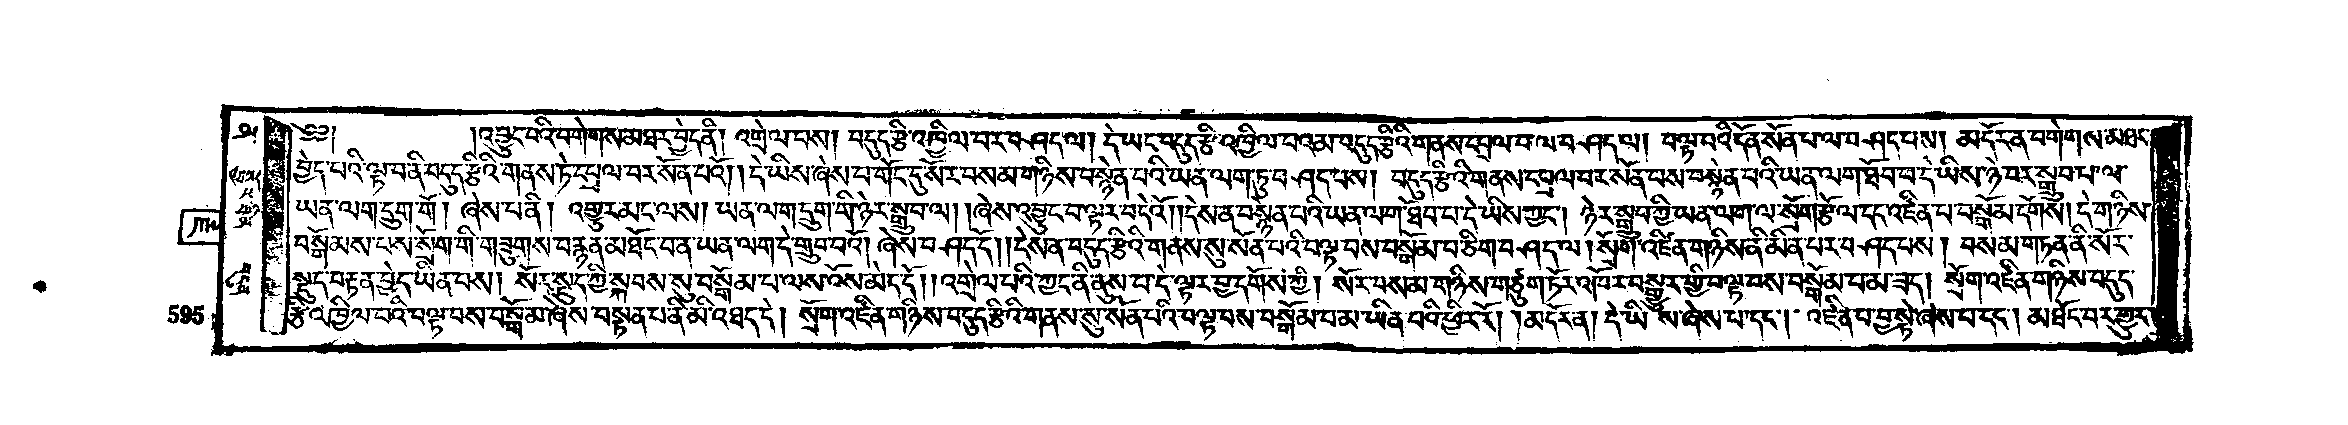༄༅། །འབྱུང་བའི་བགེགས་མཐར་བྱེད་ནི། འགྲེལ་པས། བདུད་རྩི་འཁྱིལ་པར་བཤད་ལ། དེ་ཡང་བདུད་རྩི་འཁྱིལ་པའམ་བདུད་རྩིའི་གནས་དཔྲལ་བ་ལ་བཤད་ལ། བལྟ་བའི་དོན་སོན་པ་ལ་བཤད་པས། མདོར་ན་བགེགས་མཐར་
བྱེད་པའི་ལྟ་བ་ནི་བདུད་རྩིའི་གནས་ཏེ་དཔྲལ་བར་སོན་པའོ། །དེ་ཡིས་ཞེས་པ་གོང་དུ་སོར་བསམ་གཉིས་བསྙེན་པའི་ཡན་ལག་ཏུ་བཤད་པས། བདུད་རྩིའི་གནས་དཔྲལ་བར་སོན་པས་བསྙེན་པའི་ཡན་ལག་ཐོབ་པ་དེ་ཡིས་ཉེ་བར་སྒྲུབ་པ་ལ་
ཡན་ལག་དྲུག་གོ །ཞེས་པ་ནི། འགྱུར་མང་ལས། ཡན་ལག་དྲུག་གི་ཉེར་སྒྲུབ་ལ། །ཞེས་འབྱུང་བ་ལྟར་བདེའོ། །དེས་ན་བསྙེན་པའི་ཡན་ལག་ཐོབ་པ་དེ་ཡིས་ཀྱང་། ཉེར་སྒྲུབ་ཀྱི་ཡན་ལག་ལ་སྲོག་རྩོལ་དང་འཛིན་པ་བསྒོམ་དགོས། དེ་གཉིས་
བསྒོམས་པས་སྲོག་གི་གཟུགས་བརྙན་མཐོང་བ་ན་ཡན་ལག་དེ་གྲུབ་པའོ། ཞེས་བཤད་དོ། །དེས་ན་བདུད་རྩིའི་གནས་སུ་སོན་པའི་བལྟ་བས་བསྒོམ་པ་ཅིག་བཤད་ལ། སྲོག་འཛིན་གཉིས་ནི་མིན་པར་བཤད་པས། བསམ་གཏན་རི་སོར་
སྡུད་བརྟན་བྱེད་ཡིན་པས། སོར་སྡུད་ཀྱི་སྐབས་སུ་བསྒོམ་པ་ལས་འོས་མེད་དོ། །འགྲེལ་པའི་ཀྱང་ནི་ནུས་པ་དེ་ལྟར་བྱ་དགོས་ཀྱི། སོར་བསམ་གཉིས་གཙུག་ཏོར་འཁོར་བསྒྱུར་གྱི་བལྟ་བས་བསྒོམ་པ་མ་ཟད། སྲོག་འཛིན་གཉིས་བདུད་
རྩི་འཁྱིལ་པའི་བལྟ་བས་བསྒོམ་ཞེས་བསྟན་པ་ནི་མི་འཐད་དེ། སྲོག་འཛིན་གཉིས་བདུད་རྩིའི་གནས་སུ་སོན་པའི་བལྟ་བས་བསྒོམ་པ་མ་ཡིན་པའི་ཕྱིར་རོ། །མདོར་ན། དེ་ཡིས་ཞེས་པ་དང་། འཛིན་པ་བྱ་སྟེ་ཞེས་པ་དང་། མཐོང་བར་གྱུར་